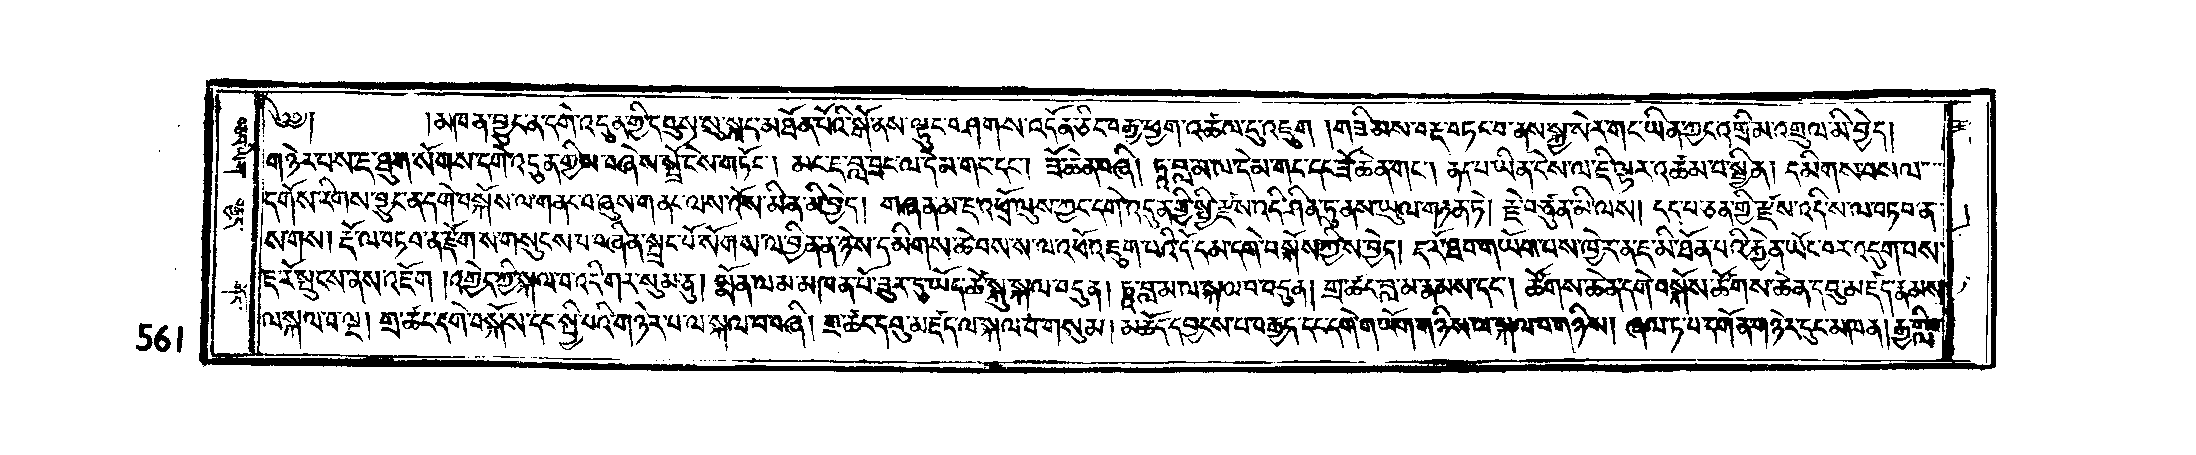༄༅། །མཁན་བྱུང་ན་དགེ་འདུན་གྱི་དབུས་སུ་སྐད་མཐོན་པོའི་སྒོ་ནས་ལྟུང་བཤགས་འདོན་ཅིང་བརྒྱ་ཕྱག་འཚལ་དུ་འཇུག །གཟིམས་བརྡ་བཏང་བ་ནས་སྐྱ་སེར་གང་ཡིན་ཀྱང་འགྲིམ་འགྲུལ་མི་བྱེད།
གཉེར་པས་ཇ་ཐུག་སོགས་དགེ་འདུན་གྱིས་བཞེས་སྤྲོ་ངེས་གཏོང་། མང་ཇ་བླ་བྲང་ལ་དེམ་གང་དང་། ཟོ་ཆེན་བཞི། ཏཱ་བླ་མ་ལ་དེམ་གང་དང་ཟོ་ཆེན་གང་། ནད་པ་ཡིན་ངེས་ལ་ཇི་ལྟར་འཚམ་བ་སྦྱིན། དམིགས་བསལ་
དགོས་རིགས་བྱུང་ན་དགེ་བསྐོས་ལ་གནང་བ་ཞུས་གནང་ལས་འོས་མིན་མི་བྱེད། གཞན་མ་ཇ་འཕྲོ་ལུས་ཀྱང་དགེ་འདུན་གྱི་སྤྱི་རྫས་འདི་ཤིན་ཏུ་ནས་ཡུལ་གཉན་ཏེ། རྗེ་བཙུན་མི་ལས། དད་པ་ཅན་གྱི་རྫས་འདི་ས་ལ་བཏབ་ན་
སགས། རྡོ་ལ་བཏབ་ན་རྫོགས་གསུངས་པ་བཞིན་སྤྲང་པོ་སོགས་ལ་བྱིན་ན་ཉེས་དམིགས་ཆེ་བས་ས་ལ་འཕོ་འཇུག་པའི་དོ་དམ་དགེ་བསྐོས་ཀྱིས་བྱེད། ཇ་རོ་ཐབ་གཡོག་པས་ཁྱེར་ན་ཇ་མི་ཐོན་པའི་རྐྱེན་ཡོང་བར་འདུག་པས་
ཇ་རོ་སྤུངས་ནས་འཇོག །འགྱེད་ཀྱི་སྐལ་བ་འདི་གར་སུམ་ཅུ། སྨོན་ལམ་མཁན་པོ་ཟུར་དུ་ཡོད་ཚེ་སྐུ་སྐལ་བདུན། ཏཱ་བླ་མ་ལ་སྐལ་བ་བདུན། གྲ་ཚང་བླ་མ་རྣམས་དང་། ཚོགས་ཆེན་དགེ་བསྐོས་ཚོགས་ཆེན་དབུ་མཛད་རྣམས་
ལ་སྐལ་བ་ལྔ། གྲ་ཚང་དགེ་བསྐོས་དང་སྤྱི་པའི་གཉེར་པ་ལ་སྐལ་བ་བཞི། གྲ་ཚང་དབུ་མཛད་ལ་སྐལ་བ་གསུམ། མཆོད་དབྱངས་པ་བརྒྱད་དང་དགེ་གཡོག་གཉིས་ལ་སྐལ་བ་གཉིས། ཞལ་ཏ་པ་དགོན་གཉེར་དུང་མཁན། རྒྱ་གླིང་